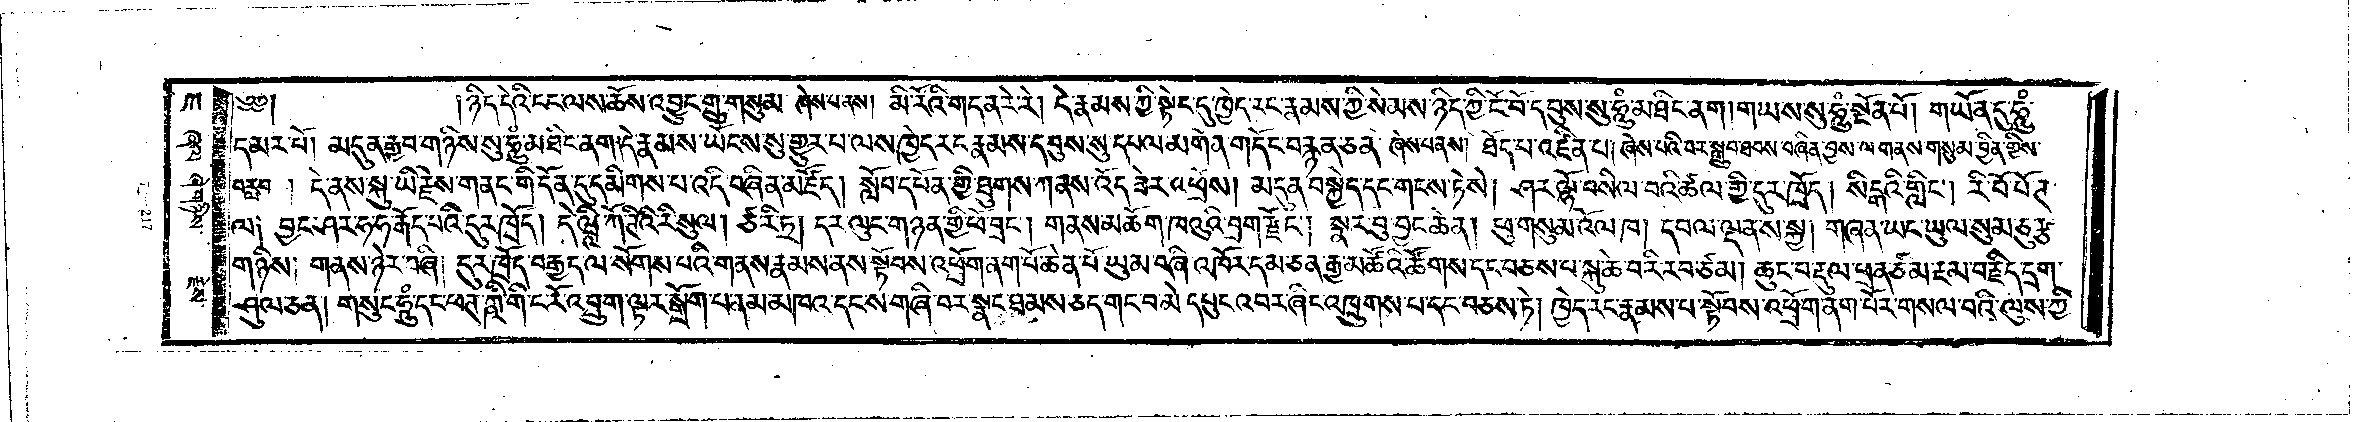༄༅། །ཉིད་དེའི་ངང་ལས་ཆོས་འབྱུང་གྲུ་གསུམ་ཞེས་པ་ནས།  མི་རོའི་གདན་རེ་རེ། དེ་རྣམས་ཀྱི་སྟེང་དུ་ཁྱེད་རང་རྣམས་ཀྱི་སེམས་ཉིད་ཀྱི་ངོ་བོ་དབུས་སུ་ཧཱུཾ་མཐིང་ནག། གཡས་སུ་ཧཱུཾ་སྔོན་པོ། གཡོན་དུ་ཧཱུཾ་
དམར་པོ། མདུན་རྒྱབ་གཉིས་སུ་ཧཱུཾ་མཐིང་ནག །དེ་རྣམས་ཡོངས་སུ་གྱུར་པ་ལས་ཁྱེད་རང་རྣམས་དབུས་སུ་དཔལ་མགོན་གདོང་བརྙན་ཅན་ཞེས་པ་ནས།  ཐོད་པ་འཛིན་པ། ཞེས་པའི་བར་སྒྲུབ་ཐབས་བཞིན་བྱས་ལ་གནས་གསུམ་བྱིན་གྱིས་
བརླབ། དེ་ནས་སྐུ་ཡི་རྗེས་གནང་གི་དོན་དུ་དམིགས་པ་འདི་བཞིན་མཛོད། སློབ་དཔོན་གྱི་ཐུགས་ཀ་ནས་འོད་ཟེར་འཕྲོས། མདུན་བསྐྱེད་དང་གངས་ཏེ་སེ། ཤར་ལྷོ་བསྟིལ་བའི་ཚལ་གྱི་དུར་ཁྲོད། སིངྒའི་གླིང་། རི་བོ་པོཊ་
ལ༑ བྱང་ཤར་ཧ་ཧ་རྒོད་པའི་དུར་ཁྲོད། དེ་ཝཱི་ཀོ་ཊིའི་རི་སུལ། ཙ་རི་ཏྲ། དར་ལུང་གཉན་གྱི་ཕོ་བྲང་། གནས་མཆོག་ཁའུའི་བྲག་རྫོང་། སྣར་བུ་བྱང་ཆེན། ཕུ་གསུམ་འོལ་ཁ། དཔལ་ལྡན་ས་སྐྱ། གཞན་ཡང་ཡུལ་སུམ་ཅུ་རྩ་
གཉིས། གནས་ཉེར་བཞི། དུར་ཁྲོད་བརྒྱད་ལ་སོགས་པའི་གནས་རྣམས་ནས་སྟོབས་འཕྲོག་ནག་པོ་ཆེན་པོ་ཡུམ་བཞི་འཁོར་དམ་ཅན་རྒྱ་མཚོའི་ཚོགས་དང་བཅས་པ་སྐུ་ཆེ་བ་རི་རབ་ཙམ། ཆུང་བརྡུལ་ཕྲན་ཙམ་རྔམ་བརྗིད་དྲག་
ཤུལ་ཅན། གསུང་ཧཱུཾ་དང་ཕཊ་ཀྵིཾ་གི་ང་རོ་འབྲུག་ལྟར་སྒྲོག་པ་ནམ་མཁའ་དང་ས་གཞི་པར་སྣང་ཐམས་ཅད་གང་བ་མེ་དཔུང་འབར་ཞིང་འཁྲུགས་པ་དང་བཅས་ཏེ། ཁྱེད་རང་རྣམས་པ་སྟོབས་འཕྲོག་ནག་པོར་གསལ་བའི་ལུས་ཀྱི་